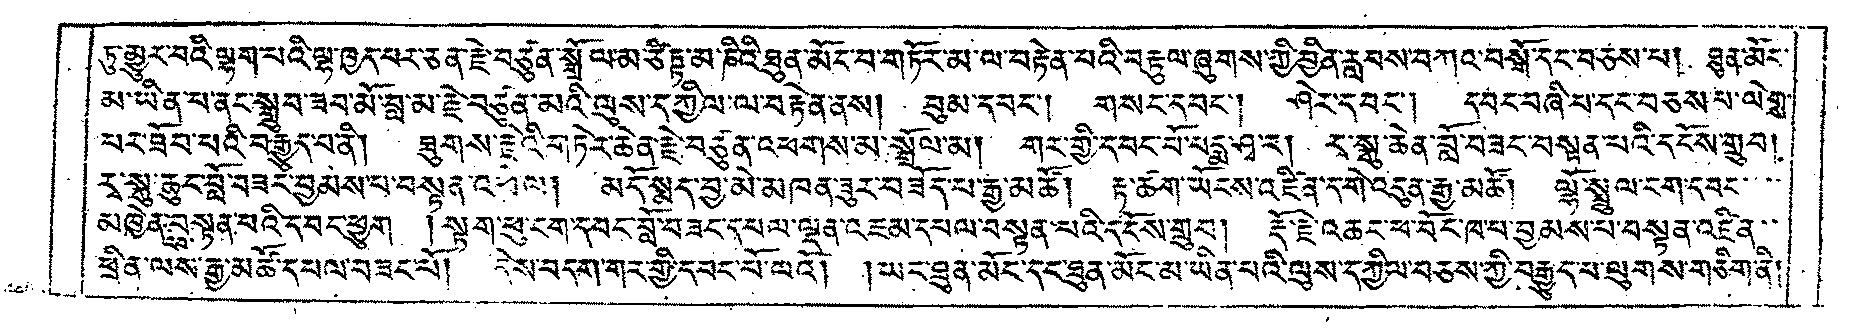ཏུ་མྱུར་བའི་ལྷག་པའི་ལྷ་ཁྱད་པར་ཅན་རྗེ་བཙུན་སྒྲོལ་མ་ཙིཏྟ་མ་ཎིའི་ཐུན་མོང་བ་གཏོར་མ་ལ་བརྟེན་པའི་བརྟུལ་ཞུགས་ཀྱི་བྱིན་རླབས་བཀའ་བསྒོ་དང་བཅས་པ། ཐུན་མོང་
མ་ཡིན་པ་ནང་སྒྲུབ་ཟབ་མོ་བླ་མ་རྗེ་བཙུན་མའི་ལུས་དཀྱིལ་ལ་བརྟེན་ནས། བུམ་དབང་། གསང་དབང་། ཤེར་དབང་། དབང་བཞི་པ་དང་བཅས་པ་ལེགས་
པར་ཐོབ་པའི་བརྒྱུད་པ་ནི། ཐུགས་རྗེའི་གཏེར་ཆེན་རྗེ་བཙུན་འཕགས་མ་སྒྲོལ་མ། གར་གྱི་དབང་པོ་པདམ་ཤྭ་ར། རྭ་སྐུ་ཆེན་བློ་བཟང་བསྟན་པའི་དངོས་གྲུབ།
རྭ་སྐུ་ཆུང་བློ་བཟང་བྱམས་པ་བསྟན་འཕེལ། མདོ་སྨད་བྱ་མེ་མཁན་ཟུར་བཟོད་པ་རྒྱ་མཚོ། རྟ་ཚག་ཡོངས་འཛིན་དགེ་འདུན་རྒྱ་མཚོ། ལྷོ་སྤྲུལ་ངག་དབང་
མཁྱེན་རབ་བསྟན་པའི་དབང་ཕྱུག །སྟག་ཕུ་ངག་དབང་བློ་བཟང་དཔལ་ལྡན་འཇམ་དཔལ་བསྟན་པའི་དངོས་གྲུབ། རྡོ་རྗེ་འཆང་ཕ་བོང་ཁ་པ་བྱམས་པ་བསྟན་འཛིན་
ཕྲིན་ལས་རྒྱ་མཚོ་དཔལ་བཟང་པོ། དེས་བདག་གར་གྱི་དབང་པོ་ལའོ། །ཡང་ཐུན་མོང་དང་ཐུན་མོང་མ་ཡིན་པའི་ལུས་དཀྱིལ་བཅས་ཀྱི་བརྒྱུད་པ་ལུགས་གཅིག་ནི།